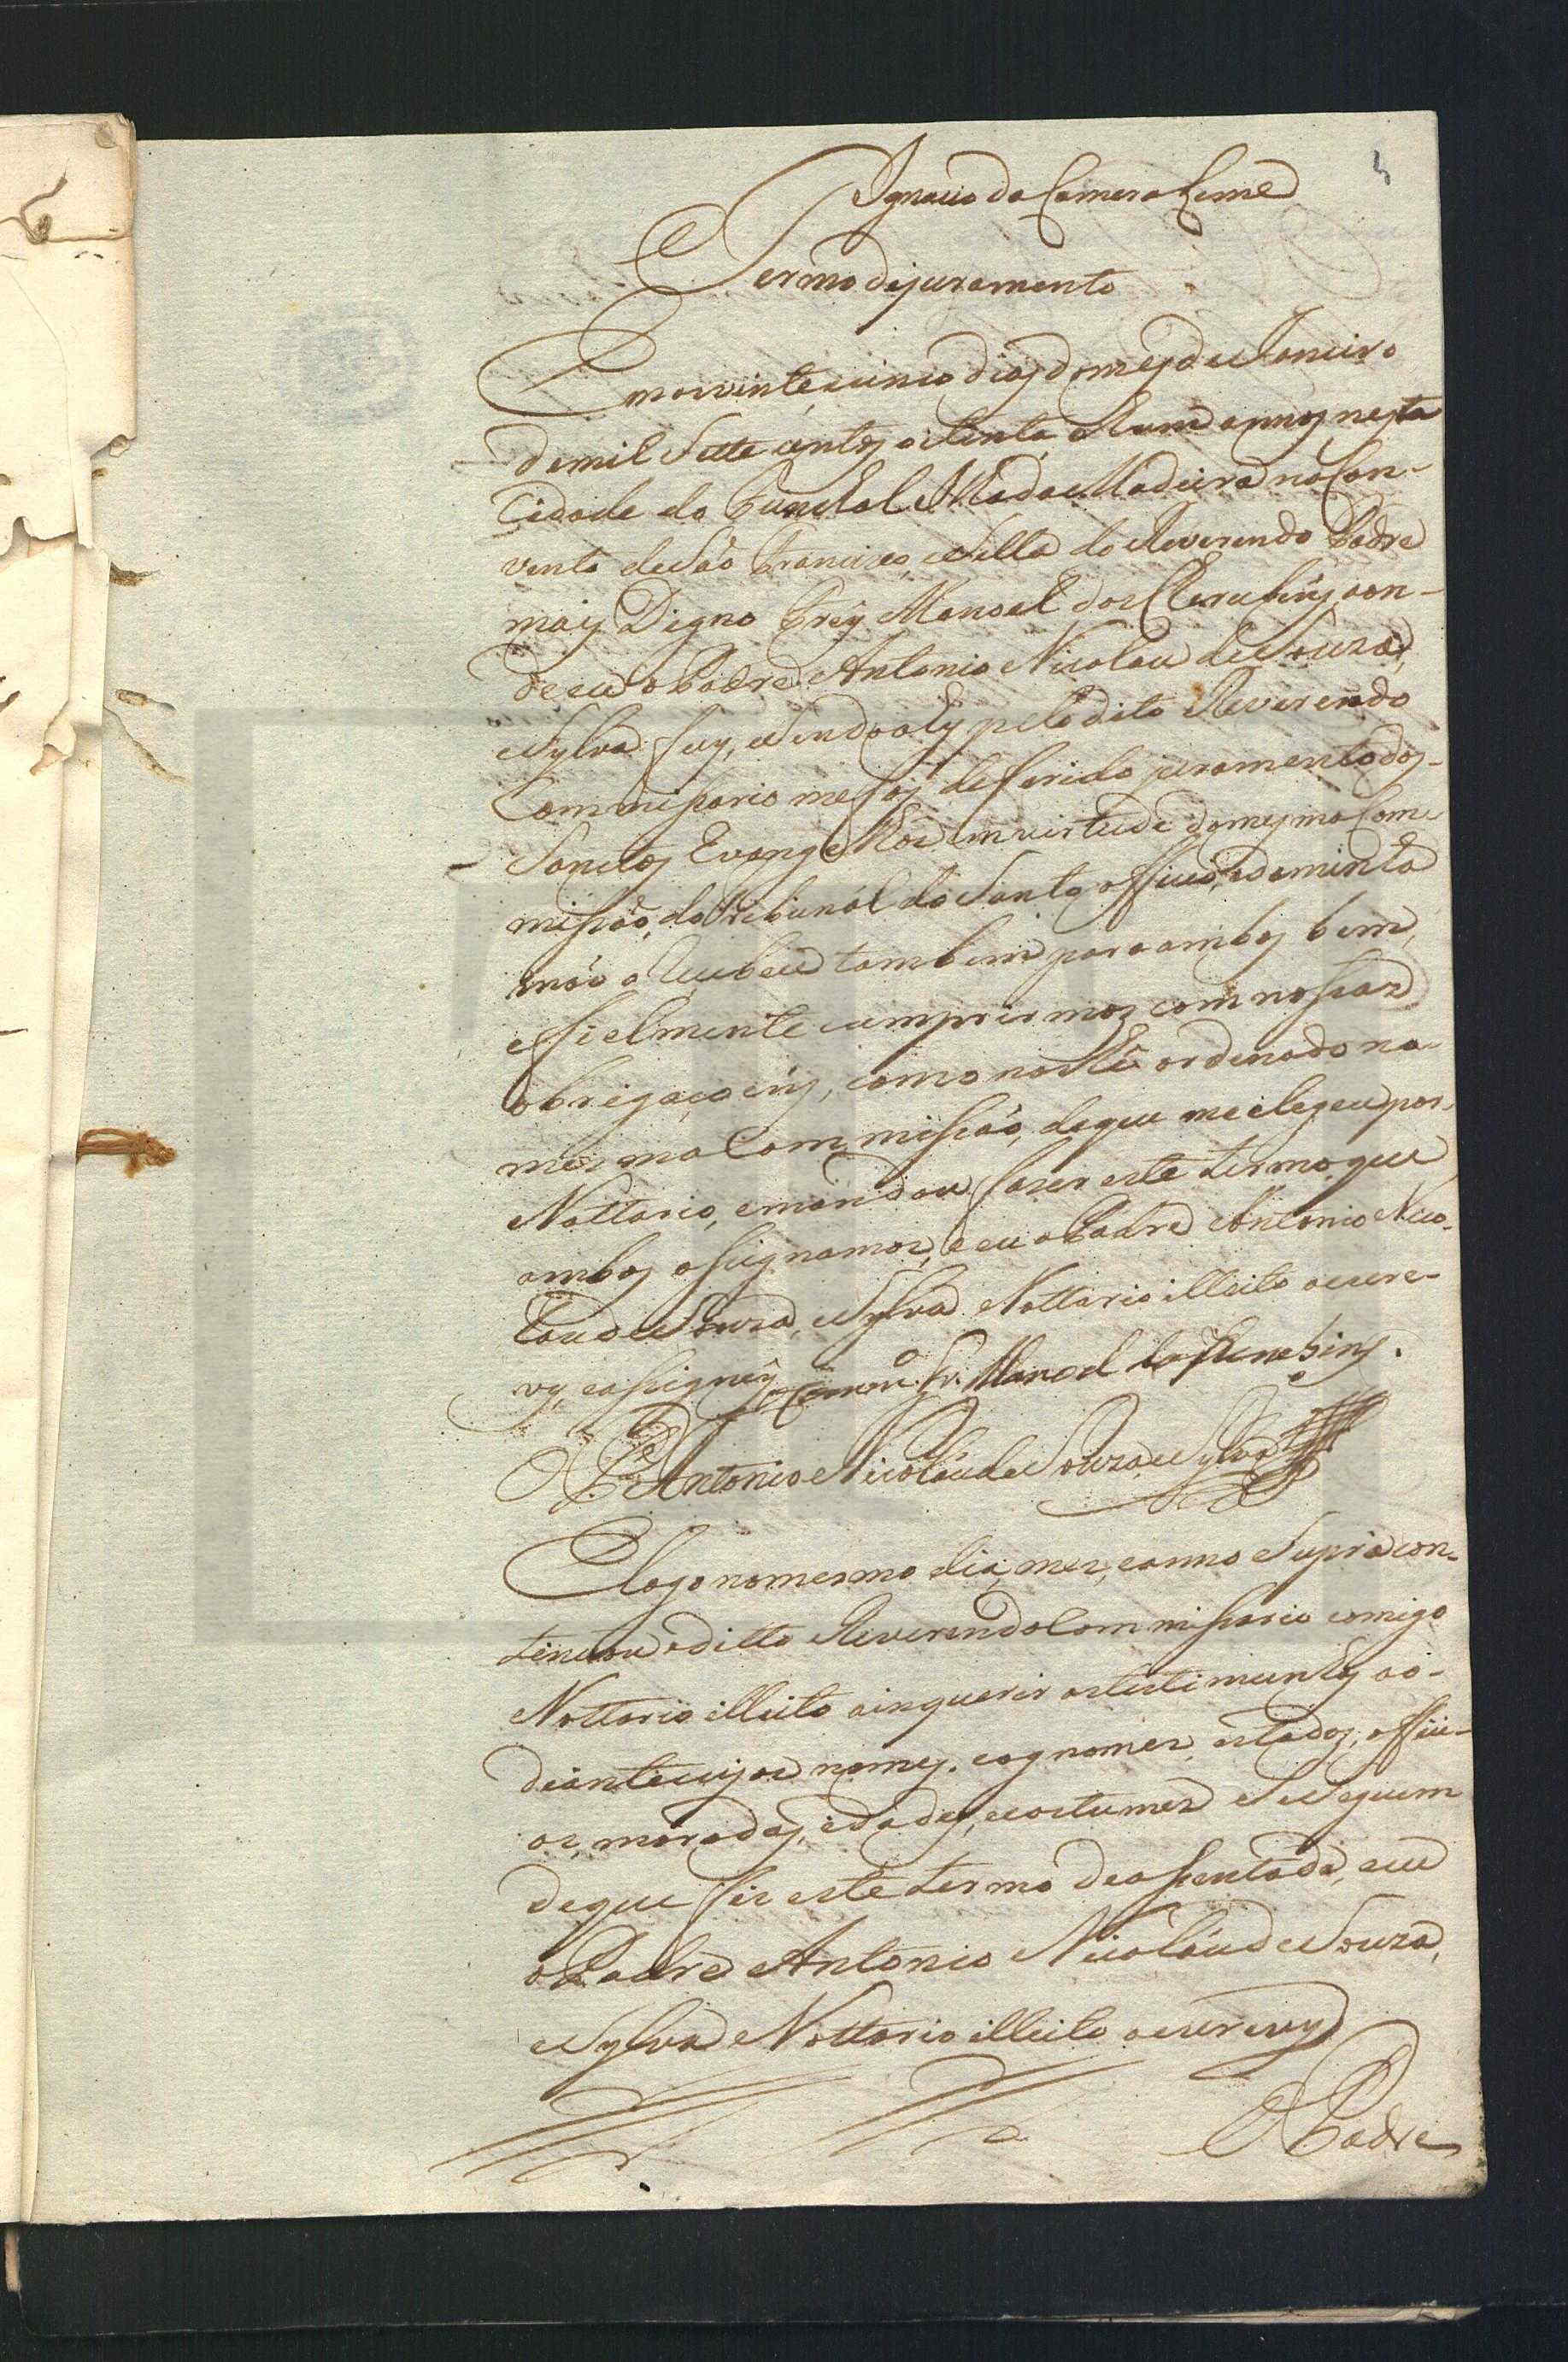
Ignacio da Camera Leme
Termo de juramento
Em os vinte, e cinco dias do mes de Ianeiro
de mil Settecentos oitenta, e hum annos nesta
Cidade do Funchal Ilha da Madeira no Con
vento de Saõ Francisco, e Salla do Reverendo Padre
mais Digno Frey Manoel dos Cherubin̄s, aon
de eu o Padre Antonio Nicolau de Souza,
e Sylva fuy, e Sendo ahy pelo dito Reverendo
Commissario me foj deferido juramento dos
Sanctos Evangelhos em virtude da mesma Comi
missaõ, do Tribunál do Santo officio, e da minha
maõ o Reçebeu tambem para ambos bem,
e fielmente cumprirmos com nossas
obrigaçoen̄s, como nos hê ordenado na
mesma Commissaõ, de que ilegeu por
Nottario, e mandou fazer este termo, que
ambos assignamos, e eu o Padre Antonio Nico
lau de Souza, e Sylva Nottario illeito o escre
O Comm.o fr. Manoel dos Qerubins.
vy, e assigneŷ
O P.e Antonio Nicoláu de Souza, e Sylva
E logo no mesmo dia, mes, e anno Supra con
tinuou o ditto Reverendo Commissario comigo
Nottario illeito a inquerir as testimunhas ao
diante cujos nomes, cognomes, estados, offici
os, moradas, idades, e costumes se seguem
de que fis este termo de assentada, e eu
o Padre Antonio Nicoláu de Souza,
e Sylva Nottario illeito o escrevy
O Padre
